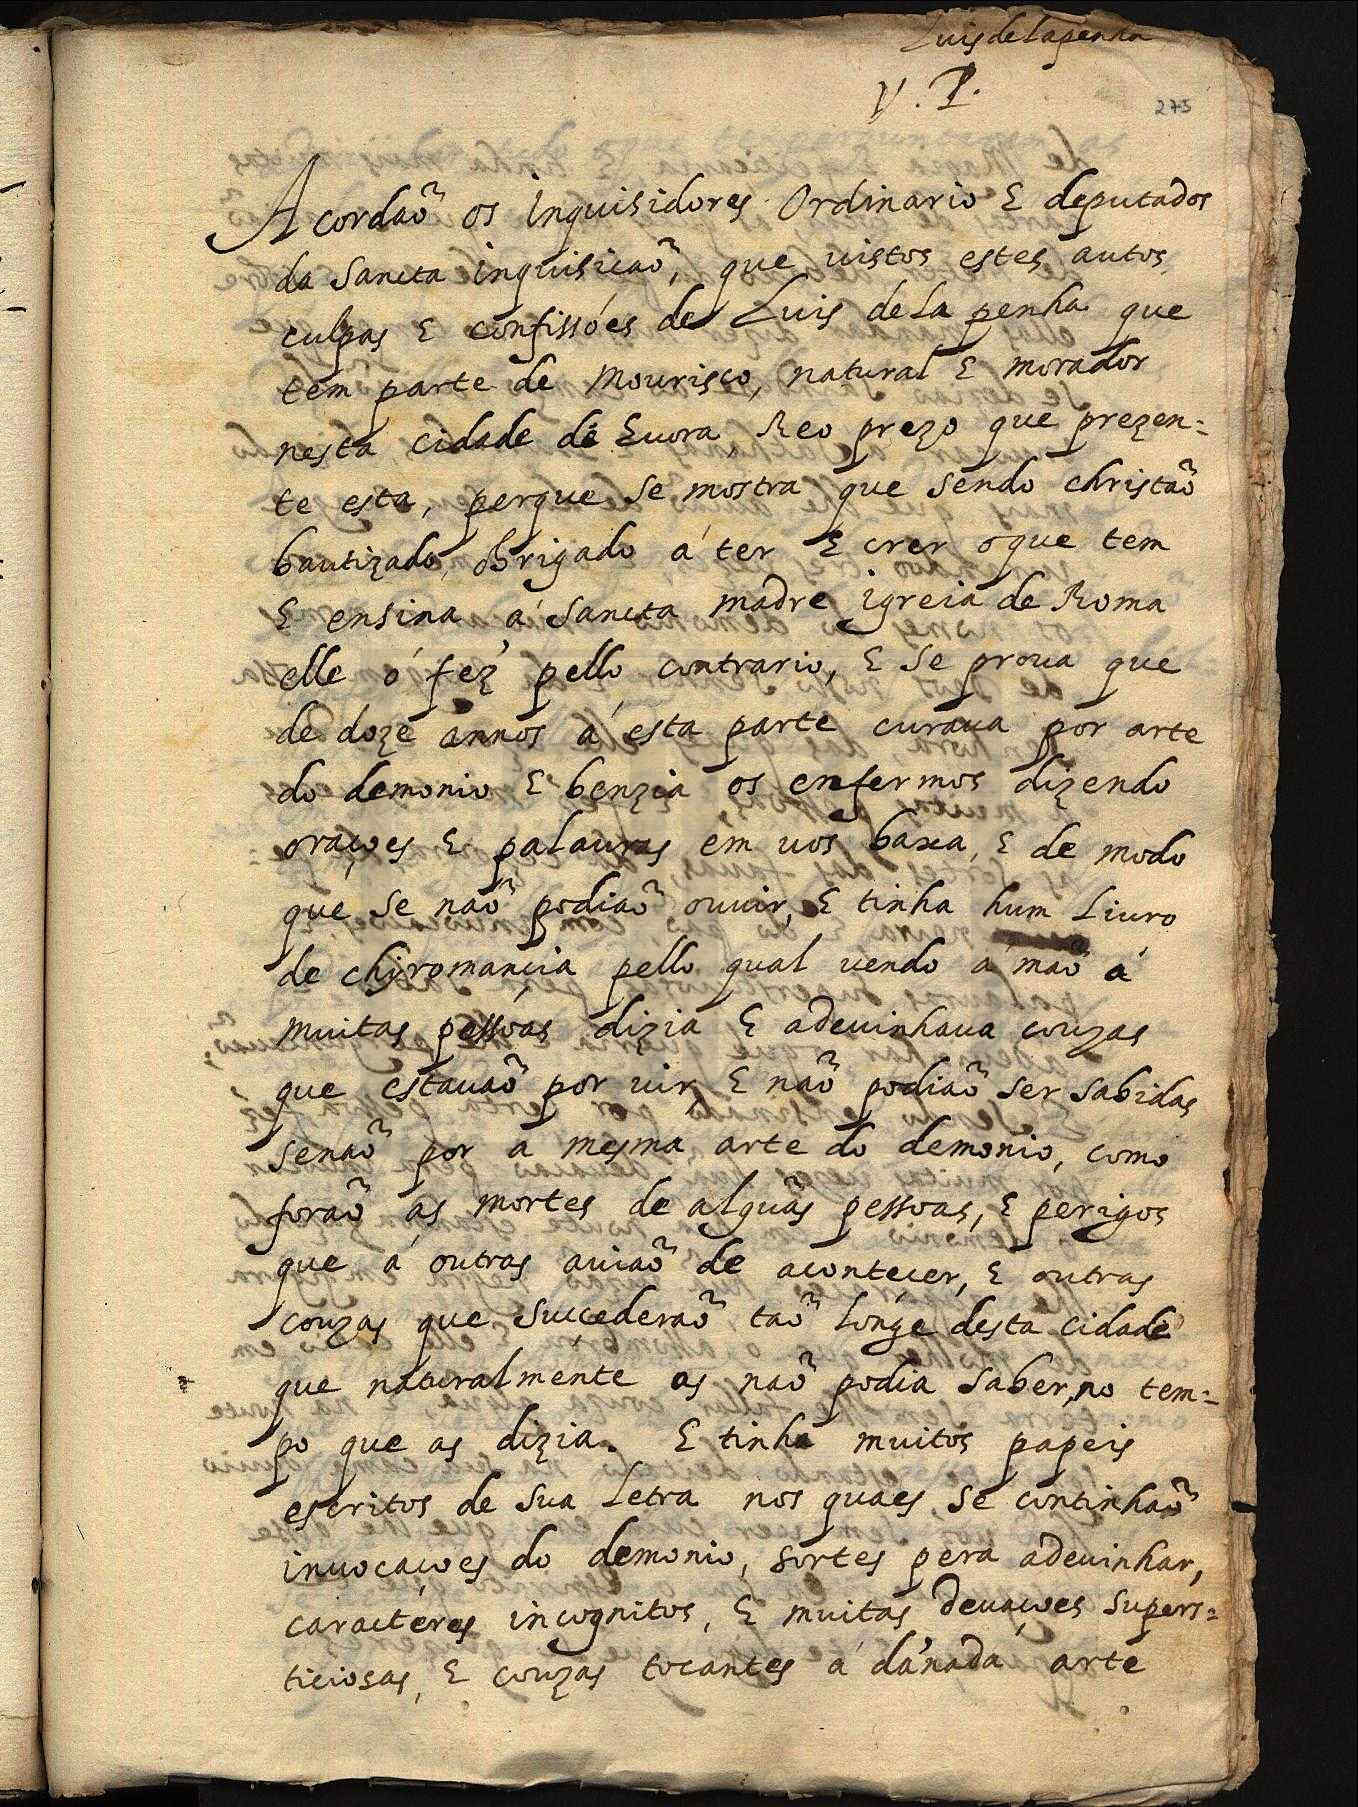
Luis de La Penha
V.P.
Acordaõ os inquisidores Ordinario e deputados
da Sancta inquisicaõ, que vistos estes autos
culpas e confissões de Luis de la penha que
tem parte de mourisco, natural e morador
nesta cidade de Euora, Reo prezo que prezen
te esta, perque se mostra que sendo christaõ
bautizado, obrigado a ter e crer o que tem
e ensina á Sancta madre igreia de Roma
elle o fez pello contrario, e se proua que
de doze annos á esta parte curaua por arte
do demonio e benzia os enfermos dizendo
oraçoes e palauras em uos baxa, e de modo
que se naõ podiaõ ouuir, e tinha hum Liuro
de chyromancia pello qual uendo à maõ á
muitas pessoas dizia e adeuinhava couzas
que estauaõ por vir e naõ podiaõ ser sabidas
senaõ por a mesma arte do demonio, como
foraõ as mortes de alguās pessoas, e perigos
que á outras auiaõ de aconteçer, e outras
couzas que sucçederaõ taõ longe desta cidade
que naturalmente as naõ podia saber, no tem
po que as dizia. e tinha muitos papeis
escritos de sua letra nos quaes se continhaõ
inuocaçoes do demonio, sortes pera adeuinhar,
caracteres incognitos, e muitas deuaçoes supers
ticiosas e couzas tocantes á danada arte
